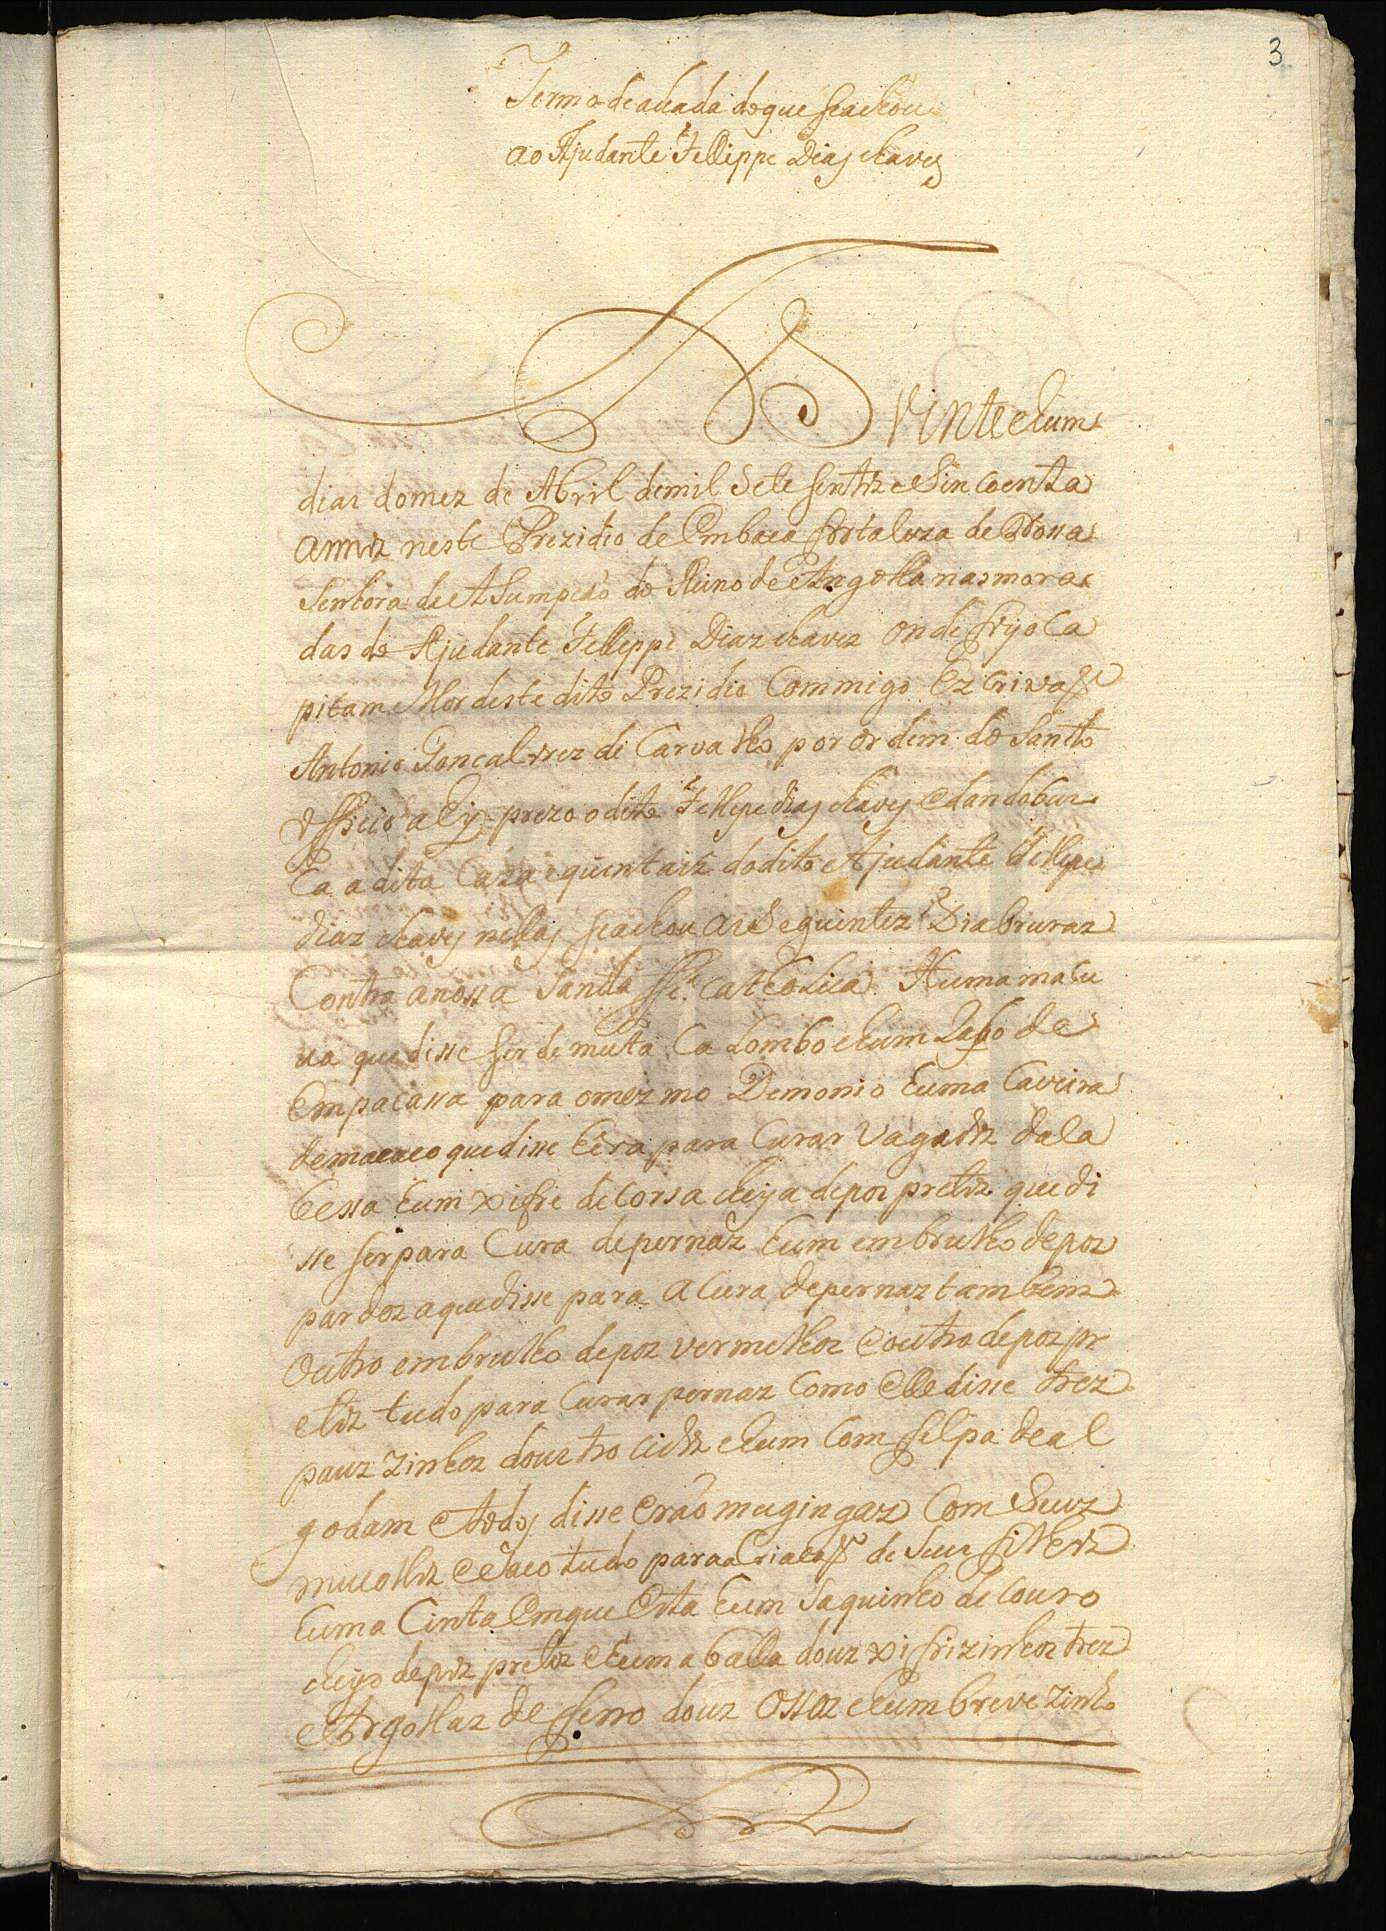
Termo de achada do que se achou
ao Ajudante Fellippe Dias chaves
AOS vinte e hum
dias do mez de Abril de mil Setesentos e Sincoenta
annos neste Prezidio de Embaca fortaleza de Nossa
Senhora de ASumpçaõ do Reino de Angolla nas moras
das do Ajudante Fellippe Diaz chavez onde foy o Ca
pitam Mor deste dito Prezidio Commigo Ezcrivaõ
Antonio Gonçalvrez de Carvalho por ordem do Sancto
officio ahy prezo o ditto Fellipe dias chaves e dando buz
Ca a dita Caza e quintaiz do dito Ajudante Fellipe
diaz chaves nellas se achou as Seguintez Diabruraz
Contra a nossa Santa fe catholica. Huma macu
ca que disse ser de muta CaLombo e hum Rabo de
Empacassa para o mezmo Demonio huma Caveira
de macaco que disse héra para Curar vagadoz da Ca
bessa hum xifre de corsa cheya de pos pretoz. que di
sse ser para Cura de pernaz hum embrulho de poz
pardoz a que disse para a cura de pernaz tambem
Outro embrulho de poz vermelhoz e outro de poz pr
etoz tudo para Curar pernaz Como Elle disse trez
pauzzinhos dous trocidos e hum Com felpa de al
godam e todos disse eraõ mugingaz Com Seuz
miuolloz e Saco tudo para a Criaçaõ de seus filhoz
huma Cinta Em que Esta hum saquinho de couro
cheyo de poz pretoz e huma balla douz xifrizinhos trez
Argollaz de ferro douz ossoz e hum brevezinho
